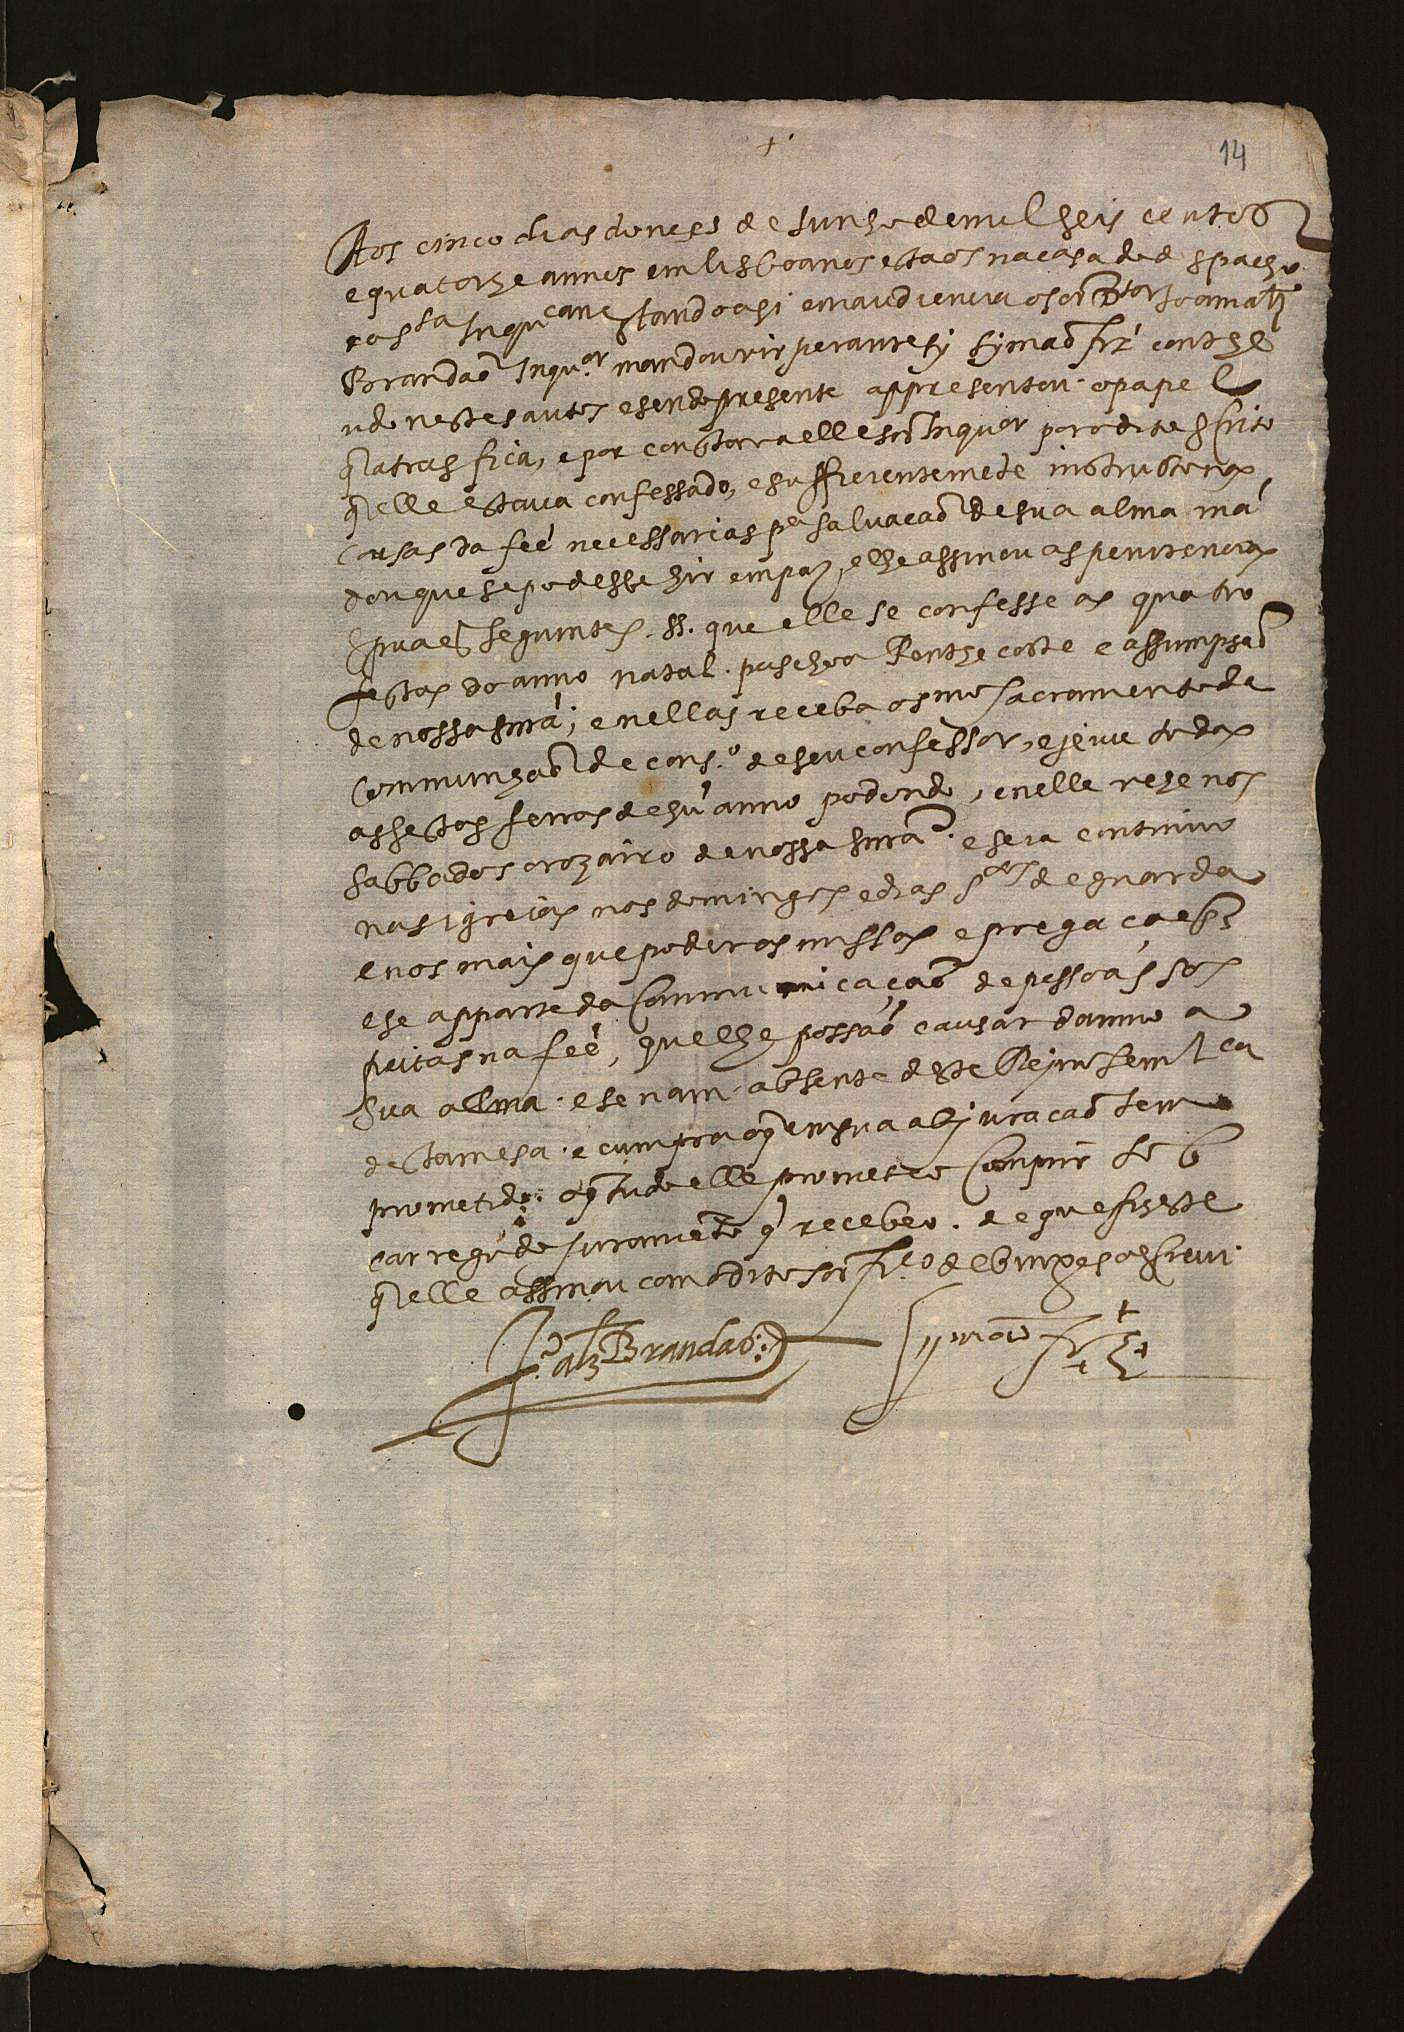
Aos cinco dias do mes de Junho de mil seiscentos
e quatorze annos em lisboa nos estaos na casa do despacho
da sta Inqu.çan estando ahi em audiencia o sor̄ Dtor Joam al̄z
Brandaõ Inqu.or mandou vir perante sy symaõ frz̄ conthe
udo nestes autos e sendo presente appresentou o papel
q̄ atras fica, e por constar a elle sor̄ Inquor por o dito esCrito
q̄ elle estaua confessado, e sufficientemēte instructo nas
cousas da feé necessarias pa saluaçaõ de sua alma mā
dou que se podesse hir em paz, e lhe assinou as penitencias
spuaes seguintes .ss. que elle se confesse as quatro
festas do anno natal. paschoa Penthecoste e assumpsaõ
de nossa snrā; e nellas receba o smo Sacramento da
communhaõ de cons.o de seu confessor, e jeiue todas
as sestas feiras de hū anno podendo, e nelle reze nos
sabbados o rozairo de nossa snrā. e seia continuo
nas igreias nos domingos e dias stos de guarda
e nos mais que poder as missas e pregaçoes
e se apparte da Communicaçaõ de pessoas sos
peitas na feé, que lhe possaõ causar damno a
sua alma. e se nam absente deste Rejno sem Lça
desta mesa. e cumpra o q̄ em sua abjuraçaõ tem
prometido. o q̄ tudo elle prometeo Comprir sob
carrego do juramēto q̄ recebeo. de que fis este
q̄ elle assinou com o dito sor̄ fr.co de bruges o esCreui
J.o al̄z Brandaõ
Sijmão frz
